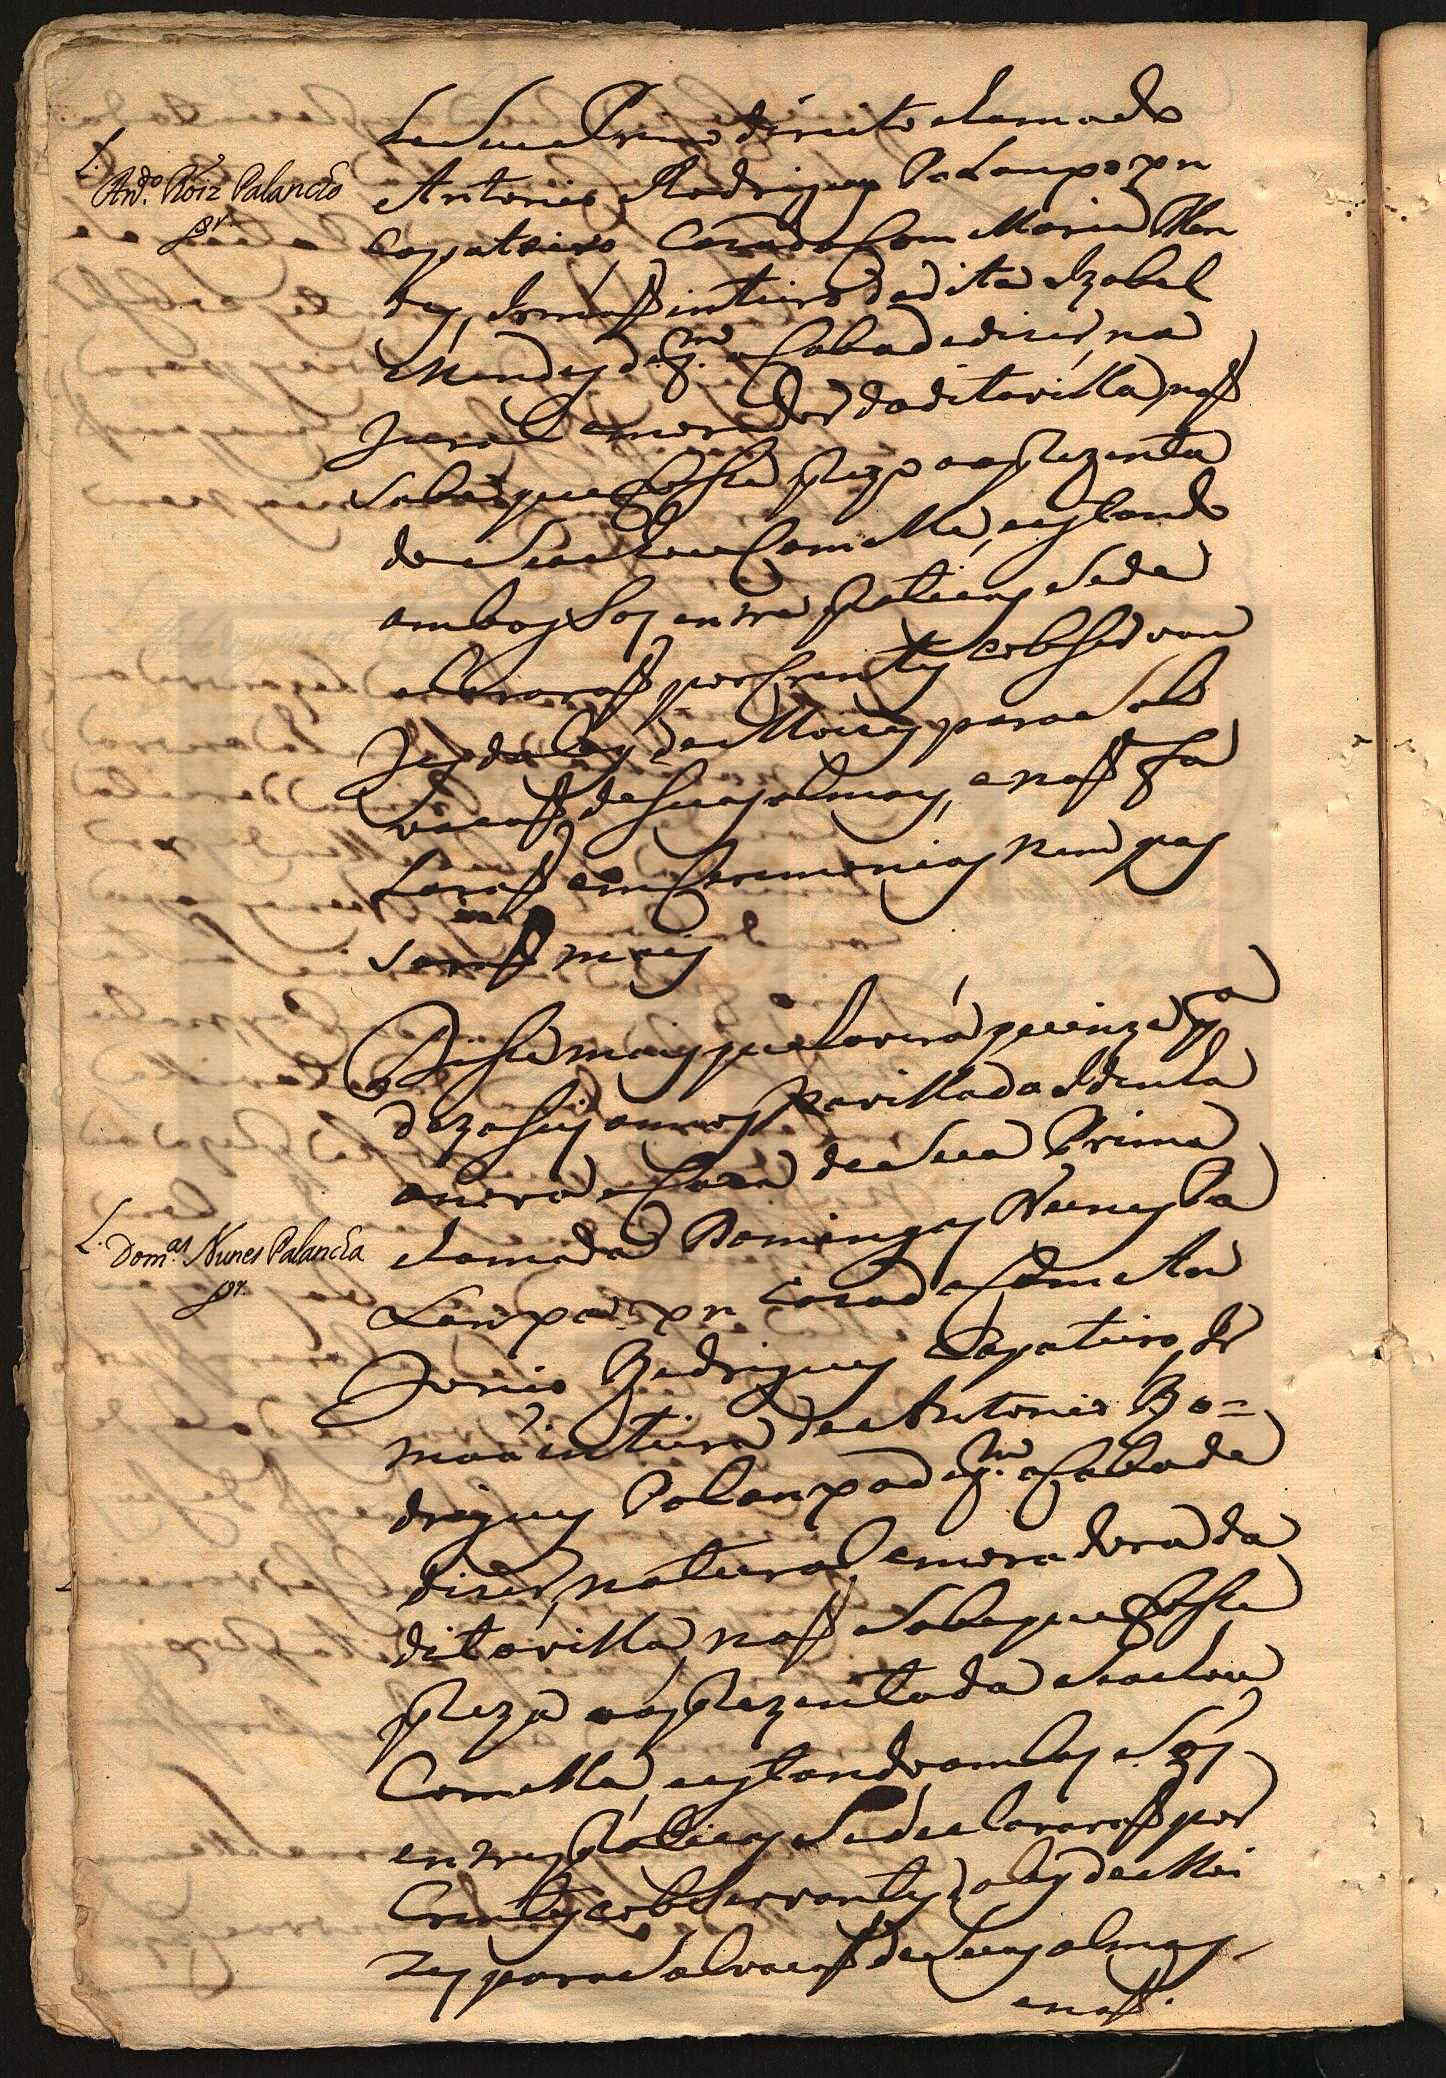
de Seu Primo direito chamado
L.
An.to Rōiz Palancho
Pr.
Antonio Rodrigues PaLanxo xn
capateiro Cazado Com Maria Men
des, Irmaõ inteiro da dita Izabel
Mendes de q.m aCaba de dizer, na
tural e morador da dita villa naõ
sabe que fosse prezo o apRezenta
do Se achou Com elle, e estando
ambos Sos entre praticas se de
clararaõ por Crentes e observan
tes da Ley de Moizes para Sal
vaçaõ de suas almas, e naõ fa
Laraõ em Ceremonias nem pas
saraõ mais
Disse mais que havera quinze pa
dezaseis annos na villa da Idanha
a nova e Caza de Sua Prima
chamada Domingas Nunes Pa
L. Dom.as Nunes Palancha
pr.
Lanxa xn cazada Com An
tonio Rodrigues Capateiro Ir
maã inteira de Antonio Ro
drigues Polanxa de q.m aCaba de
dizer natural e moradora da
dita villa naõ sabe que fosse
pReza o apRezentada se achou
Com ella, e estando ambas sós
entre pRaticas se declararaõ por
Crentes e observantes da Ley de Moi
zes para salvaçaõ de suas almas.
e naõ.
